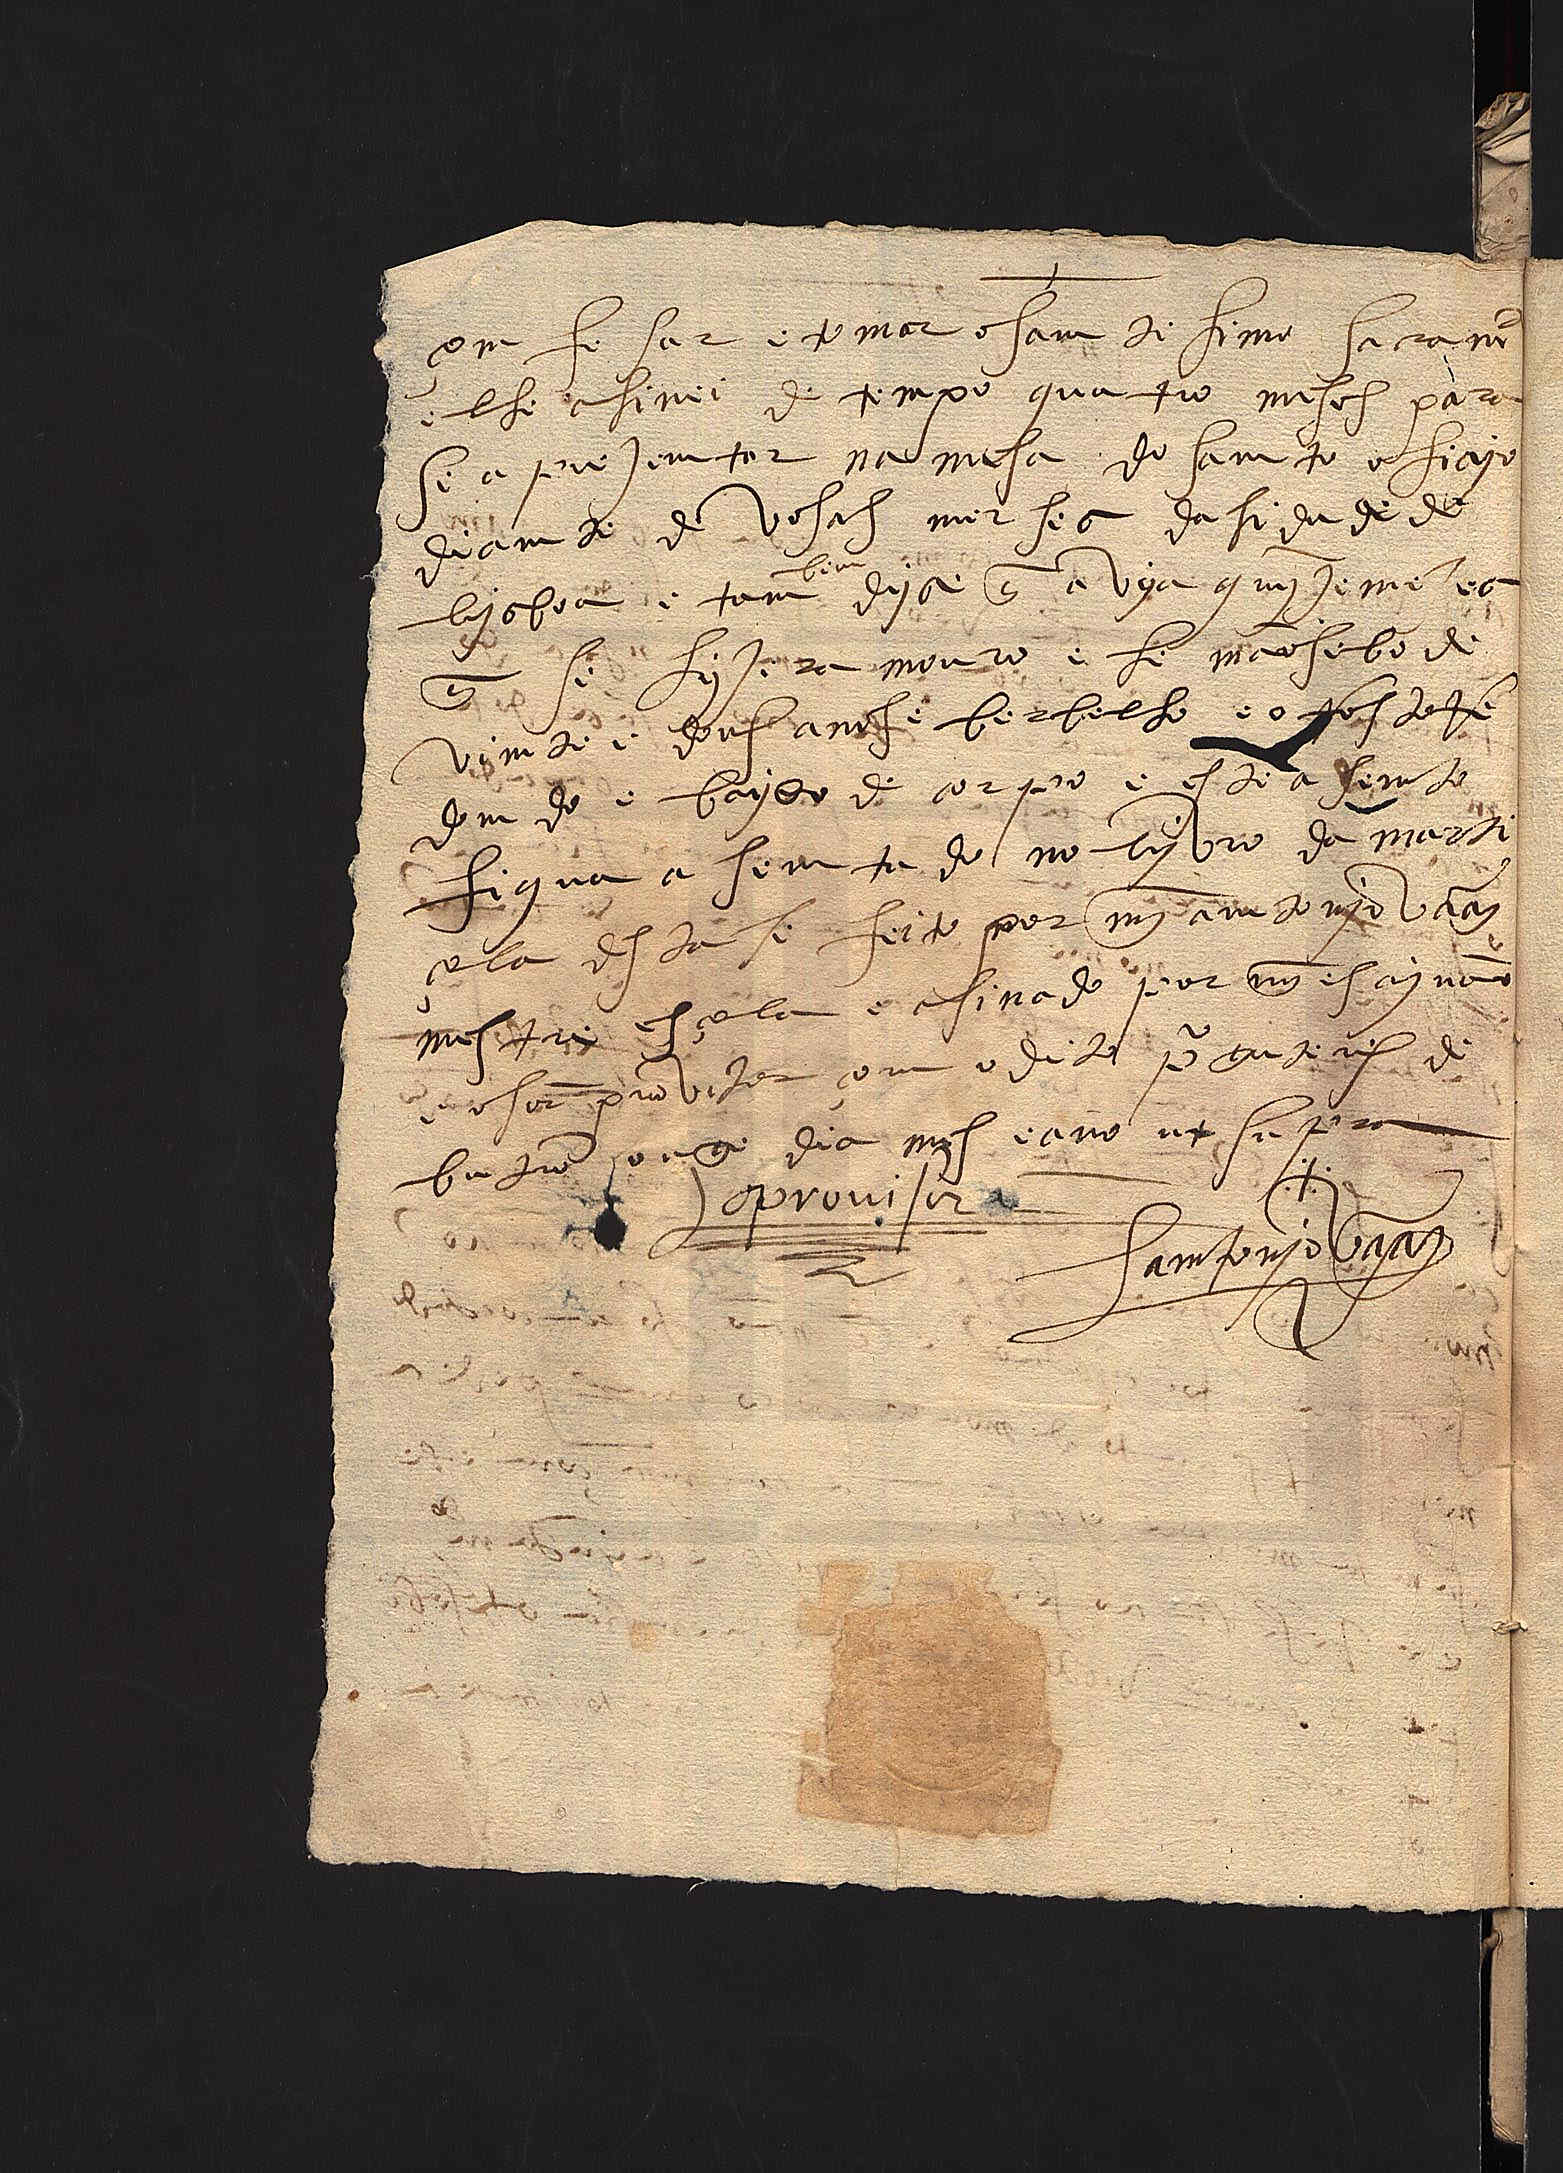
comfesar e tomar o samtisimo sacramt
e lhe asinei de tempo quatro meses para
se aprezemtar na mesa do samto oficyo
diamte de vosas merses da sidade de
ljsboa e tambem dyse q̄ avya quȳze mezes
q̄ se fyzera mouro e he mãosebo de
vimte e dous anos e berbelho e o Rosto Re
domdo e bayxo de corpo e este asemto
fiqua asemtado no lyvro da marti
çola desta se feito por mj̄ amtonjo vaāz
mestre escola e asinado por mj̄ escrjuão
e o sor̄ provizor com o dito po guteres de
butrō ouge dia mes e ano ut supra
o proujsor
amtonjo Vāaz
